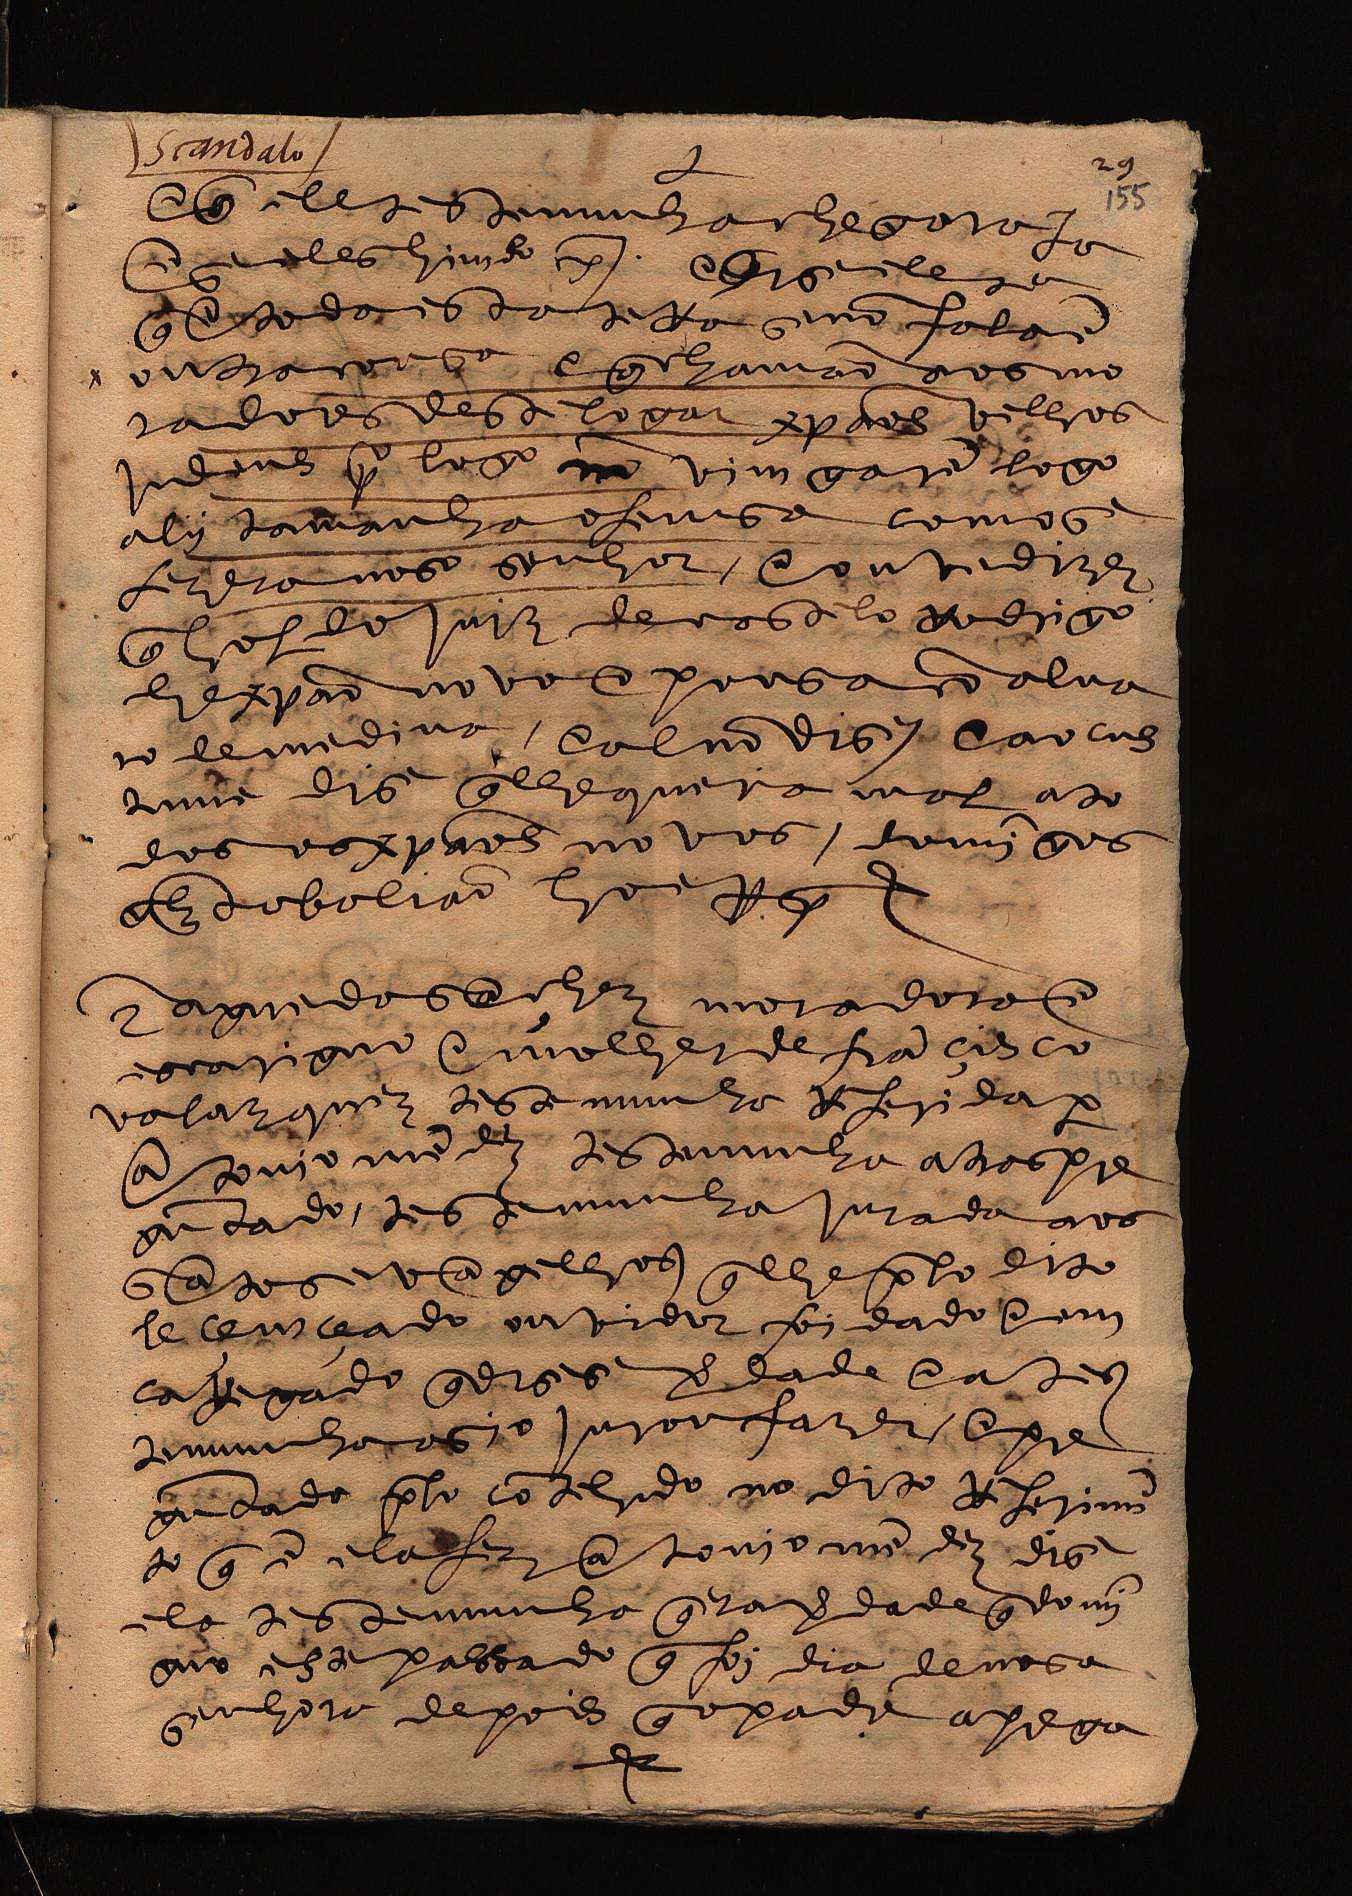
scandalo /
e q̄ ele testemunha chegara Ja
ē se eles himdo c̄ꝭ /. e dise ele ta
q̄ ē toda esta teRa se nō fala ē
outra cousa e q̄ chamão aos mo
radores deste logar xpaõs velhos
Judeus p̄o logo nō vimgarē logo
aly tamanha ofemsa como se
fezera noso senhor / e ouve dizer
q̄ ho Ldo Juiz de castelo Rodrigo
he xpaõ novo e pousa c̄o alua
ro de medina / e al nō dise / e ao cus
tume dise q̄ lhe queria maL a to
dos os xpaõs novos / domj̄gos
glz̄ tabaliaõ ho estp̄i
item agueda sāchez moradora ē
escariguo e molher de frāçisco
valazquez testemunha Referida ꝑ
ātonio mēdez testemunha atras pre
gūtado / testemunha Jurada aos
sātos evāgelhos q̄ lhe p̄lo dito
leçemçeado ouvidor foi dado e em
caRegado q̄ disese ꝟdade e a tes
temunha asi o Jurou fazer / e pre
gūtada p̄lo cōtehudo no dito Referimē
to q̄ ē ela fez ātonjo mēdez dise
ela testemunha q̄ era ꝟdade q̄ domj̄
guo este passado q̄ foj dia de nosa
senhora depois q̄ o padre a prega
